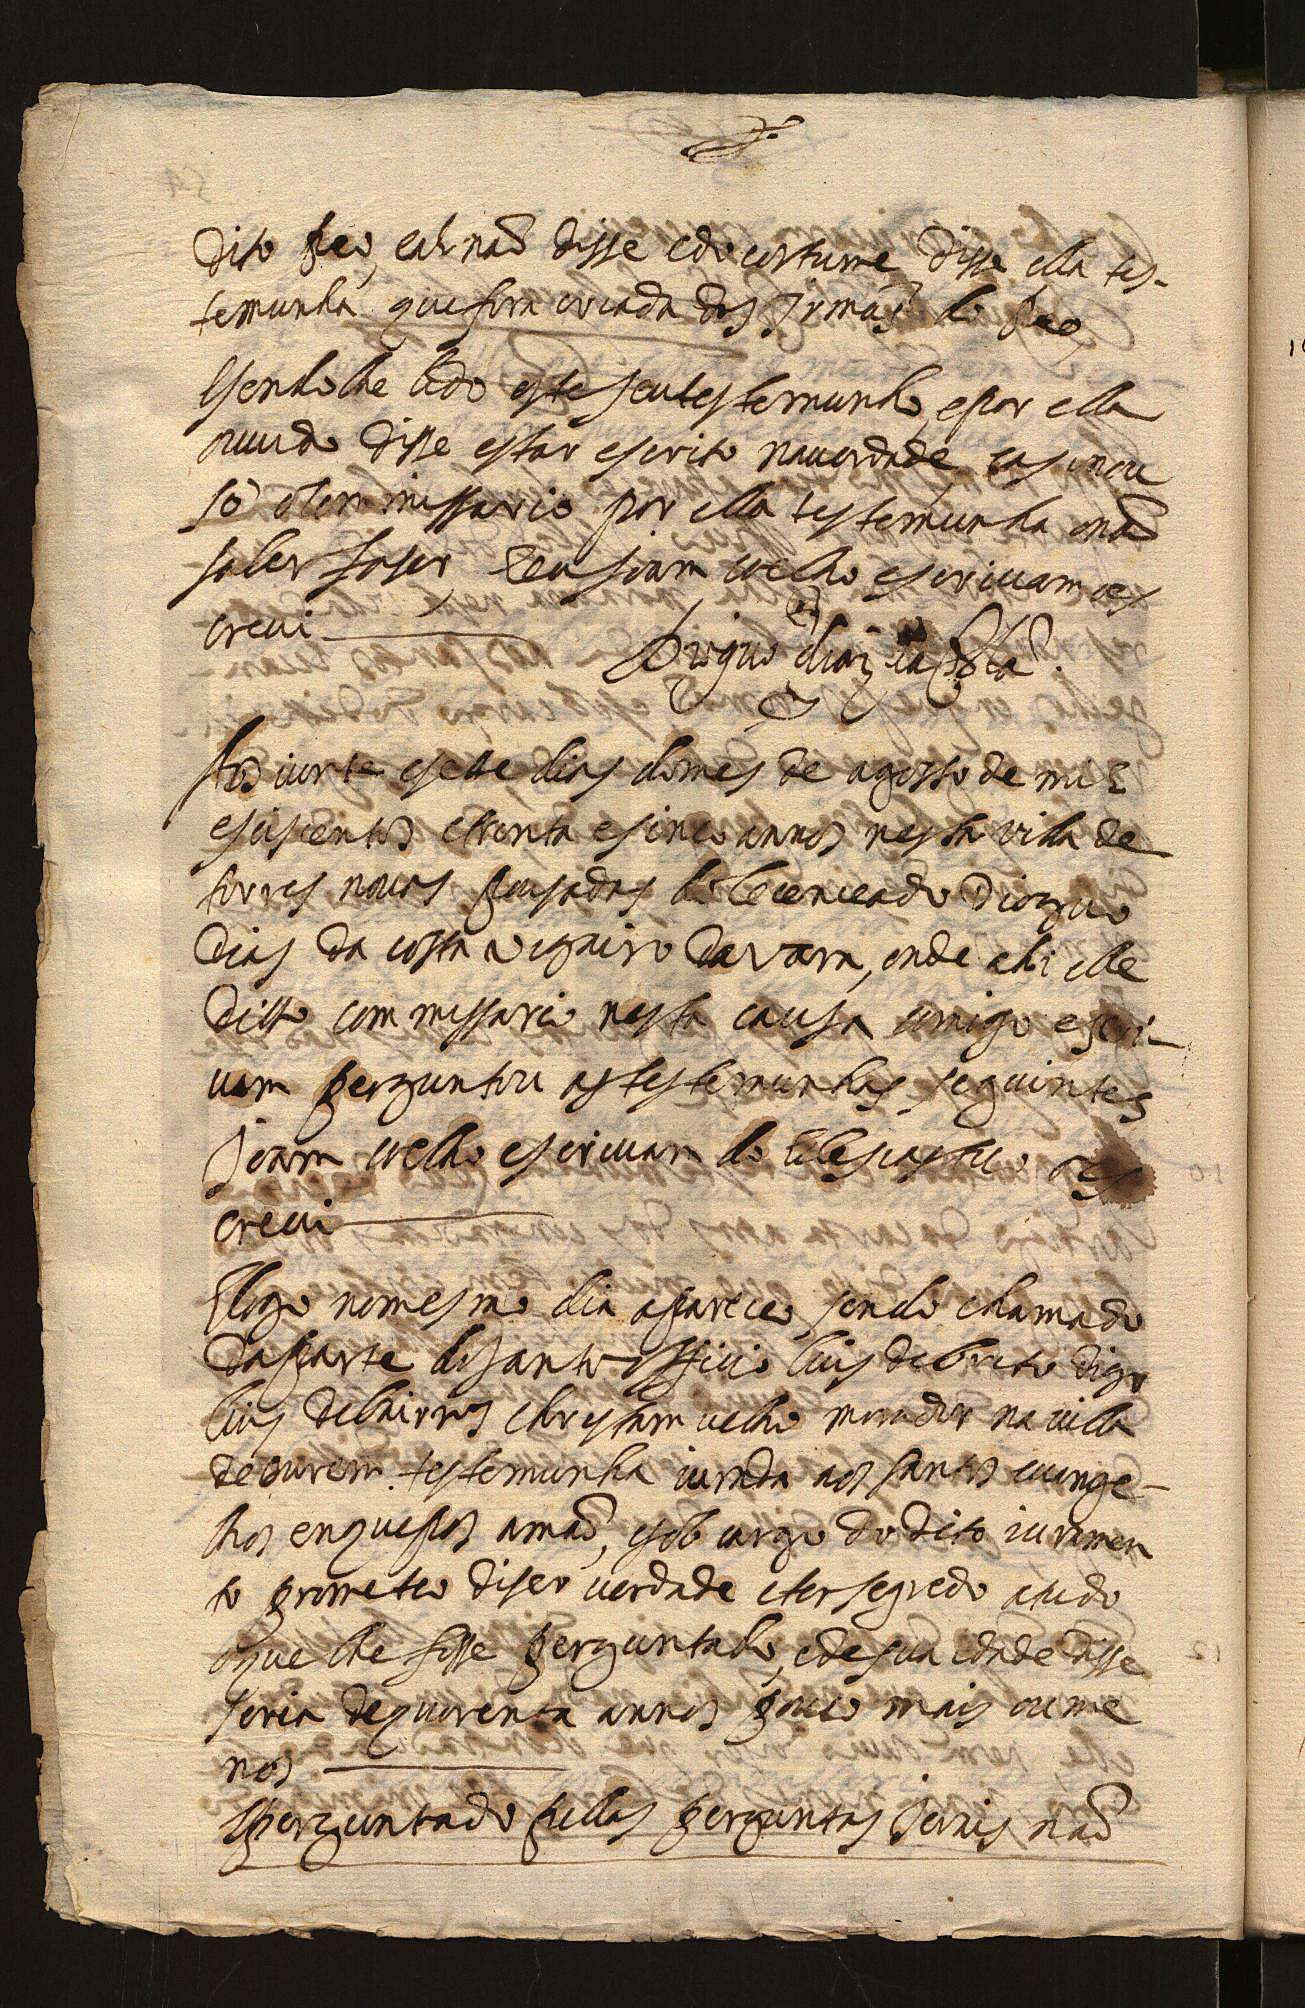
dito Reo, e al naõ disse e do costume disse ella tes
temunha que fora criada dos jrmaõs do Reo
E sendolhe lido este seu testemunho, e por ella
ouuido disse estar escrito na uerdade e asinou
só o commissario por ella testemunha o não
saber fazer, E eu joam coelho escriuam o es
creui
Dioguo diaz da Costa
Aos uinte e sette dias do mes de agosto de mil
e seiscentos e trinta e sinco annos nesta villa de
torres nouas pousadas do lecenceado dioguo
dias da costa vigairo da vara, onde ahi elle
ditto commissario nesta causa comigo escri
uam perguntou as testemunhas seguintes
Joam coelho escriuam do Eclesiastico o es
creui
E logo no mesmo dia apareceo sendo chamado
da parte do santo officio luis de brito digo
luis de bairros christam uelho morador na uilla
de ourem. testemunha iurada aos santos euange
lhos en que pos a maõ, e sob cargo do dito iuramen
to prometeo diser uerdade e ter segredo a tudo
o que lhe fosse perguntado, e de sua idade disse
seria de quorenta annos pouco mais ou me
nos
E perguntado pellas perguntas jerais naõ
